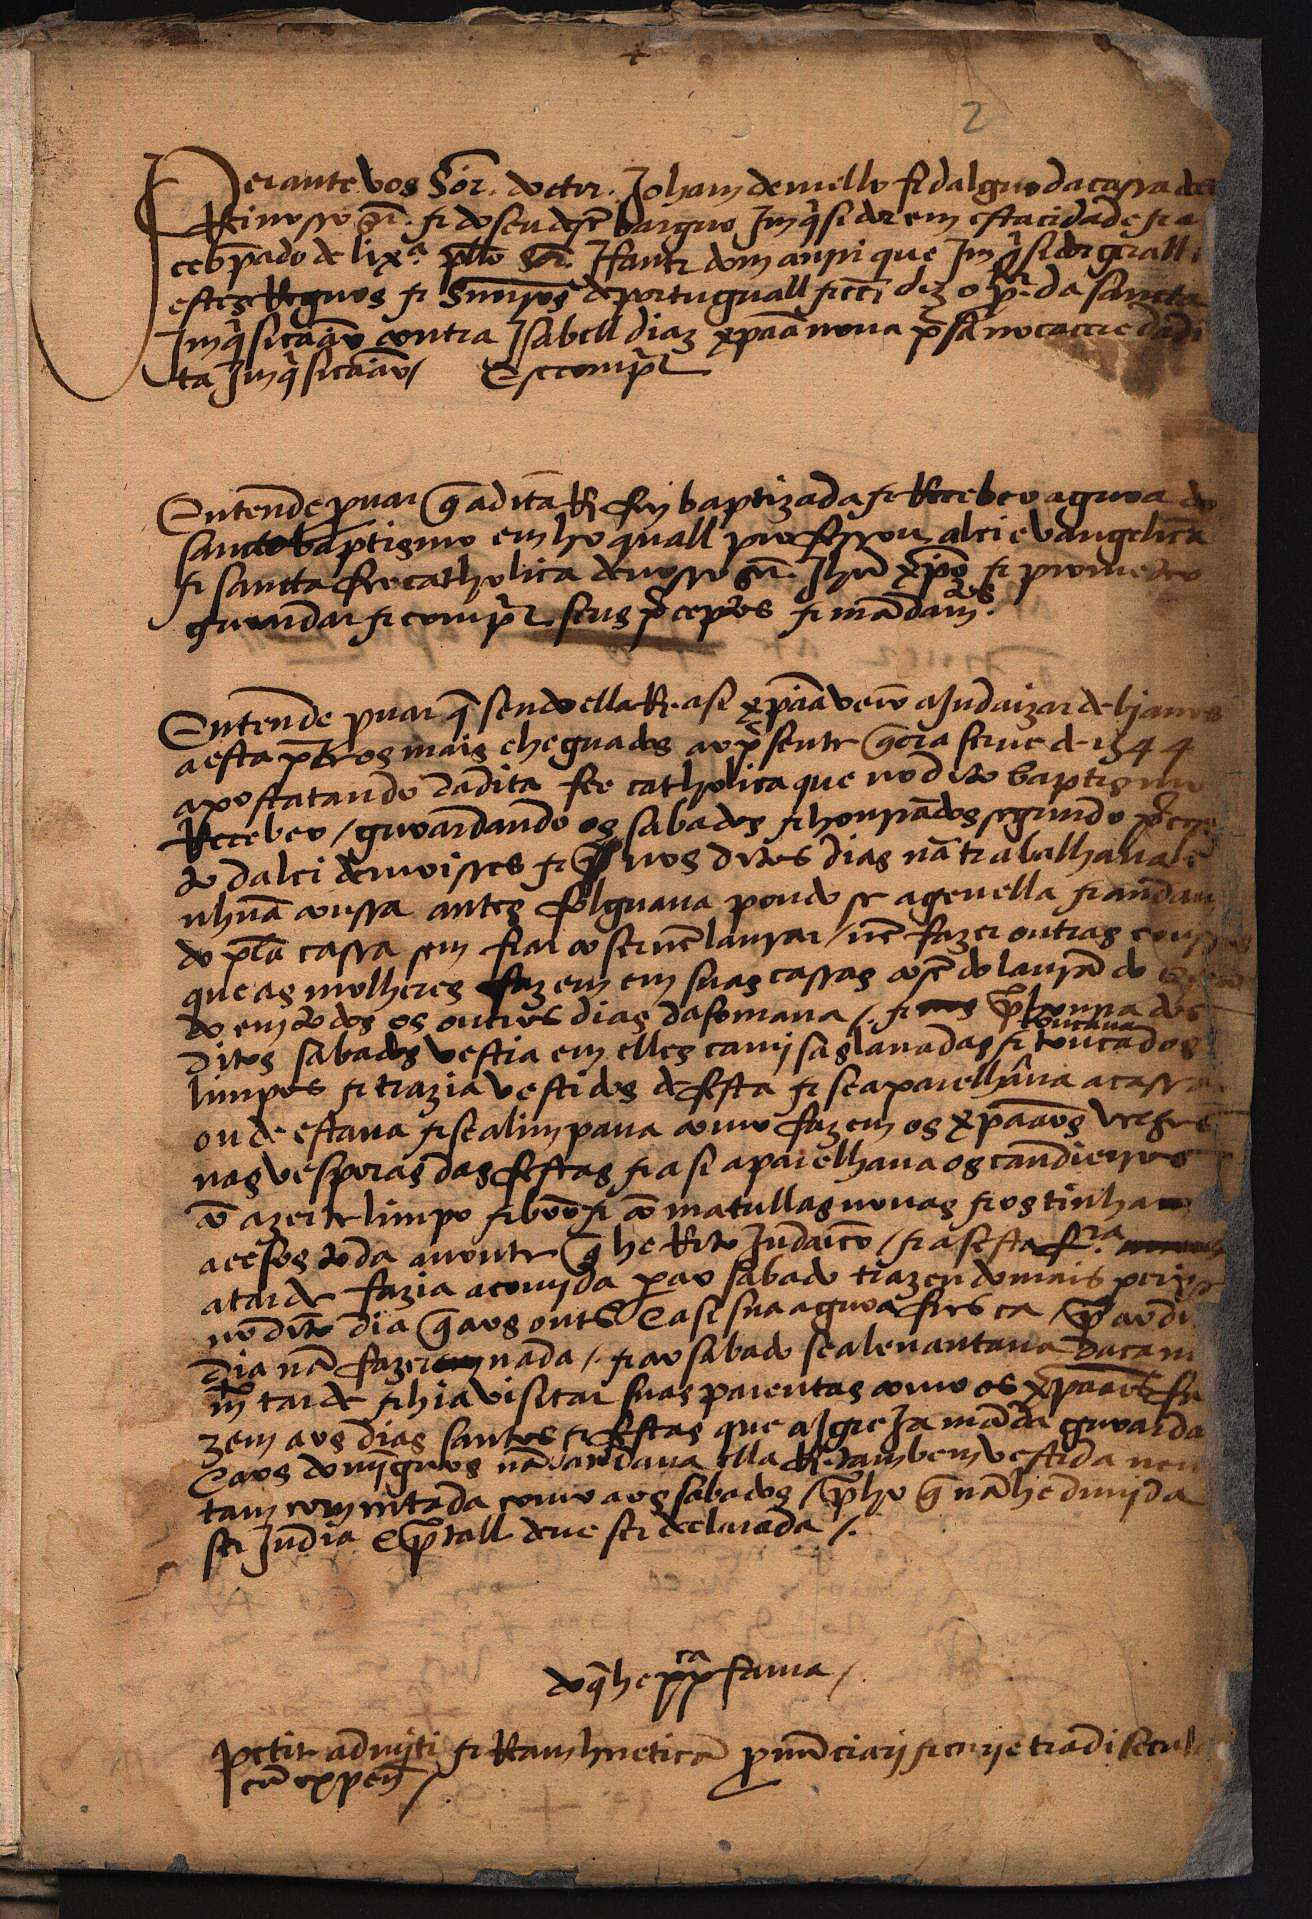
Perante vos Sōr. doctor. Joham de mello fidalguo da cassa del
Rei nosso s̄or. e do seu desēbarguo Jmqisidor em esta cidade e a
cebp̄ado de lix.a p̄llo Sōr Jfante dom anrrique Jmqisidor gerall e
estes Regnos e Sn̄nros de portuguall e c̄c diz o ꝓor. da sancta
Jmqisicaão contra Jsabell diaz xpāa noua p̄sa no cacere da di
ta Jmqisicãao/ E se compir
Entende ꝓuar q̄ a dita R foy baptizada e Recebeo aguoa do
sancto baptismo em ho quall professou a lei evangelica
e sancta fee catholica de nosso s̄or. Jhū xp̄o e prometeo
guoardar e compir seus p̄ceptos e mādamtos.
Entende ꝓuar q̄ sendo ella Re asi xpāa veio a Judaizar de bj anos
a esta p̄te os mais cheguados ao p̄sente q̄ ora serue de i544
apostatando da dita fee catholica que no dito baptismo
Recebeo / guoardando os sabados e honrrādos segundo p̄cep
to da lei de moisses e p̄o nos ditos dias nā trabalhaua ē
nhūa coussa antes folguaua pondo se a genella e andan
do p̄la cassa sem fiar coser nē laurar / nē fazer outras coussas
que as molheres fazem em suas cassas cosēdo laurādo e fiā
do em todos os outros dias da somana /. e _ p̄o honrra dos
ditos sabados vestia em elles camjsas lauadas e
toucaua
toucados
limpos e trazia vestidos de festa e se aparelhaua a cassa
onde estaua e se alimpaua como fazem os xpaãos velhos
nas vesporas das festas e asi aparelhaua os candieiros
c̄o azeite limpo e bōo e c̄o matullas nouas e os tinha _
acesos toda a noute q̄ he Rito Judaico / e a sesta f.ra __
a tarde fazia a comjda ꝑa o sabado trazendo mais peixe
no dito dia q̄ aos outso e asi sua aguoa fresca / p̄o ao di
dia nā fazerem nada /. e ao sabado se aleuantaua da cam
mto tarde e hia visitar suas parentas como os xpaãos fa
zem aos dias santos e festas que a JgreJa māda guoarda
e aos domj̄guos nā andaua ella Re tam bem vestida nem
tam comcertada como aos sabados / p̄o ho q̄ nā he duujda
ser Judia e p̄o tall deue ser declarada /.
do q̄ he ppca fama /.
Petit admjti e Ream hereticā ꝓnūciarj e curje tradi secula
cū expen̄ /
